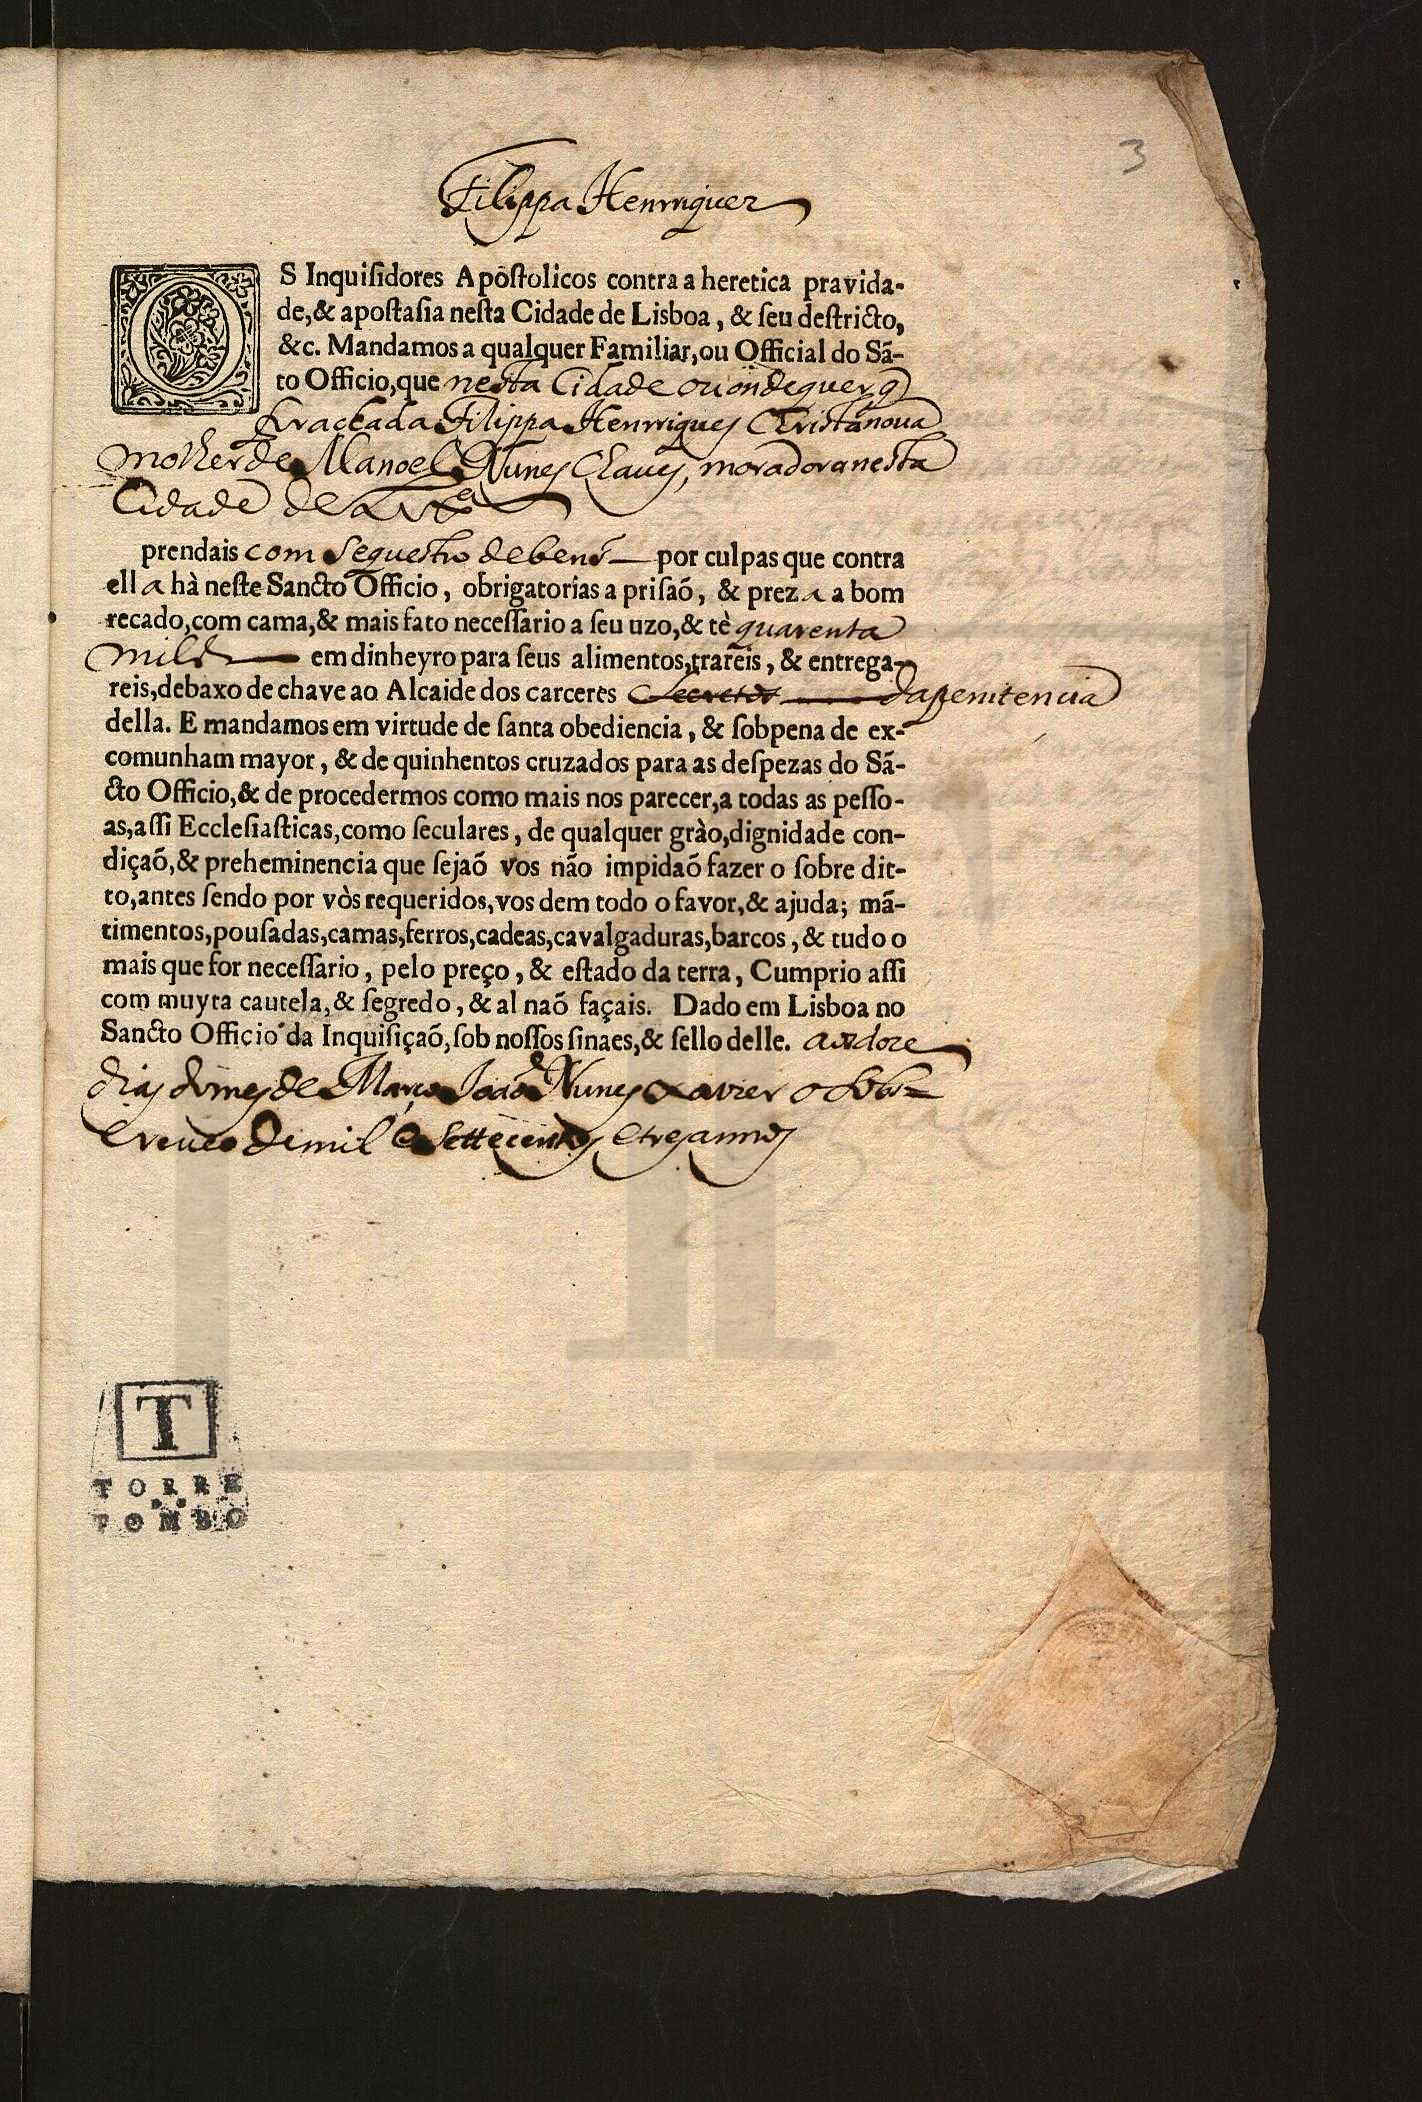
Filippa Henrriquez
S Inquisidores Apostolicos contra a heretica pravida
de, & apostasia nesta Cidade de Lisboa, & seu destricto,
&c. Mandamos a qualquer Familiar, ou Official do Sā
to Officio, que nesta Cidade ou onde quer q̄
for achada Filippa Henrriques Christã noua
molher de Manoel Nunes Chaues, moradora nesta
Cidade de Lixa
prendais com sequestro de bens - por culpas que contra
ella hà neste Sancto Officio, obrigatorias a prisaõ, & preza a bom
recado, com cama, & mais fato necessario a seu uzo, & tè quarenta
mil rs
em dinheyro para seus alimentos, trareis, & entrega
reis, debaxo de chave ao Alcaide dos carceres secretos
da penitencia
della. E mandamos em virtude de santa obediencia, & sob pena de ex
comunham mayor, & de quinhentos cruzados para as despezas do Sā
cto Officio, & de procedermos como mais nos parecer, a todas as pesso
as, assi Ecclesiasticas, como seculares, de qualquer grào, dignidade con
diçaõ, & preheminencia que sejaõ vos naõ impidaõ fazer o sobredit
to, antes sendo por vòs requeridos, vos dem todo o favor, & ajuda; mā
timentos, pousadas, camas, ferros, cadeas, cavalgaduras, barcos, & tudo o
mais que for necessario, pelo preço, & estado da terra, Cumprio assi
com muyta cautela, & segredo, & al naõ façais. Dado em Lisboa no
Sancto Officio da Inquisiçaõ, sob nossos sinaes, & sello delle. aos doze
dias do mes de Março Joaõ Nunes Xavier o sobs
creueo de mil e settecentos e tres annos
